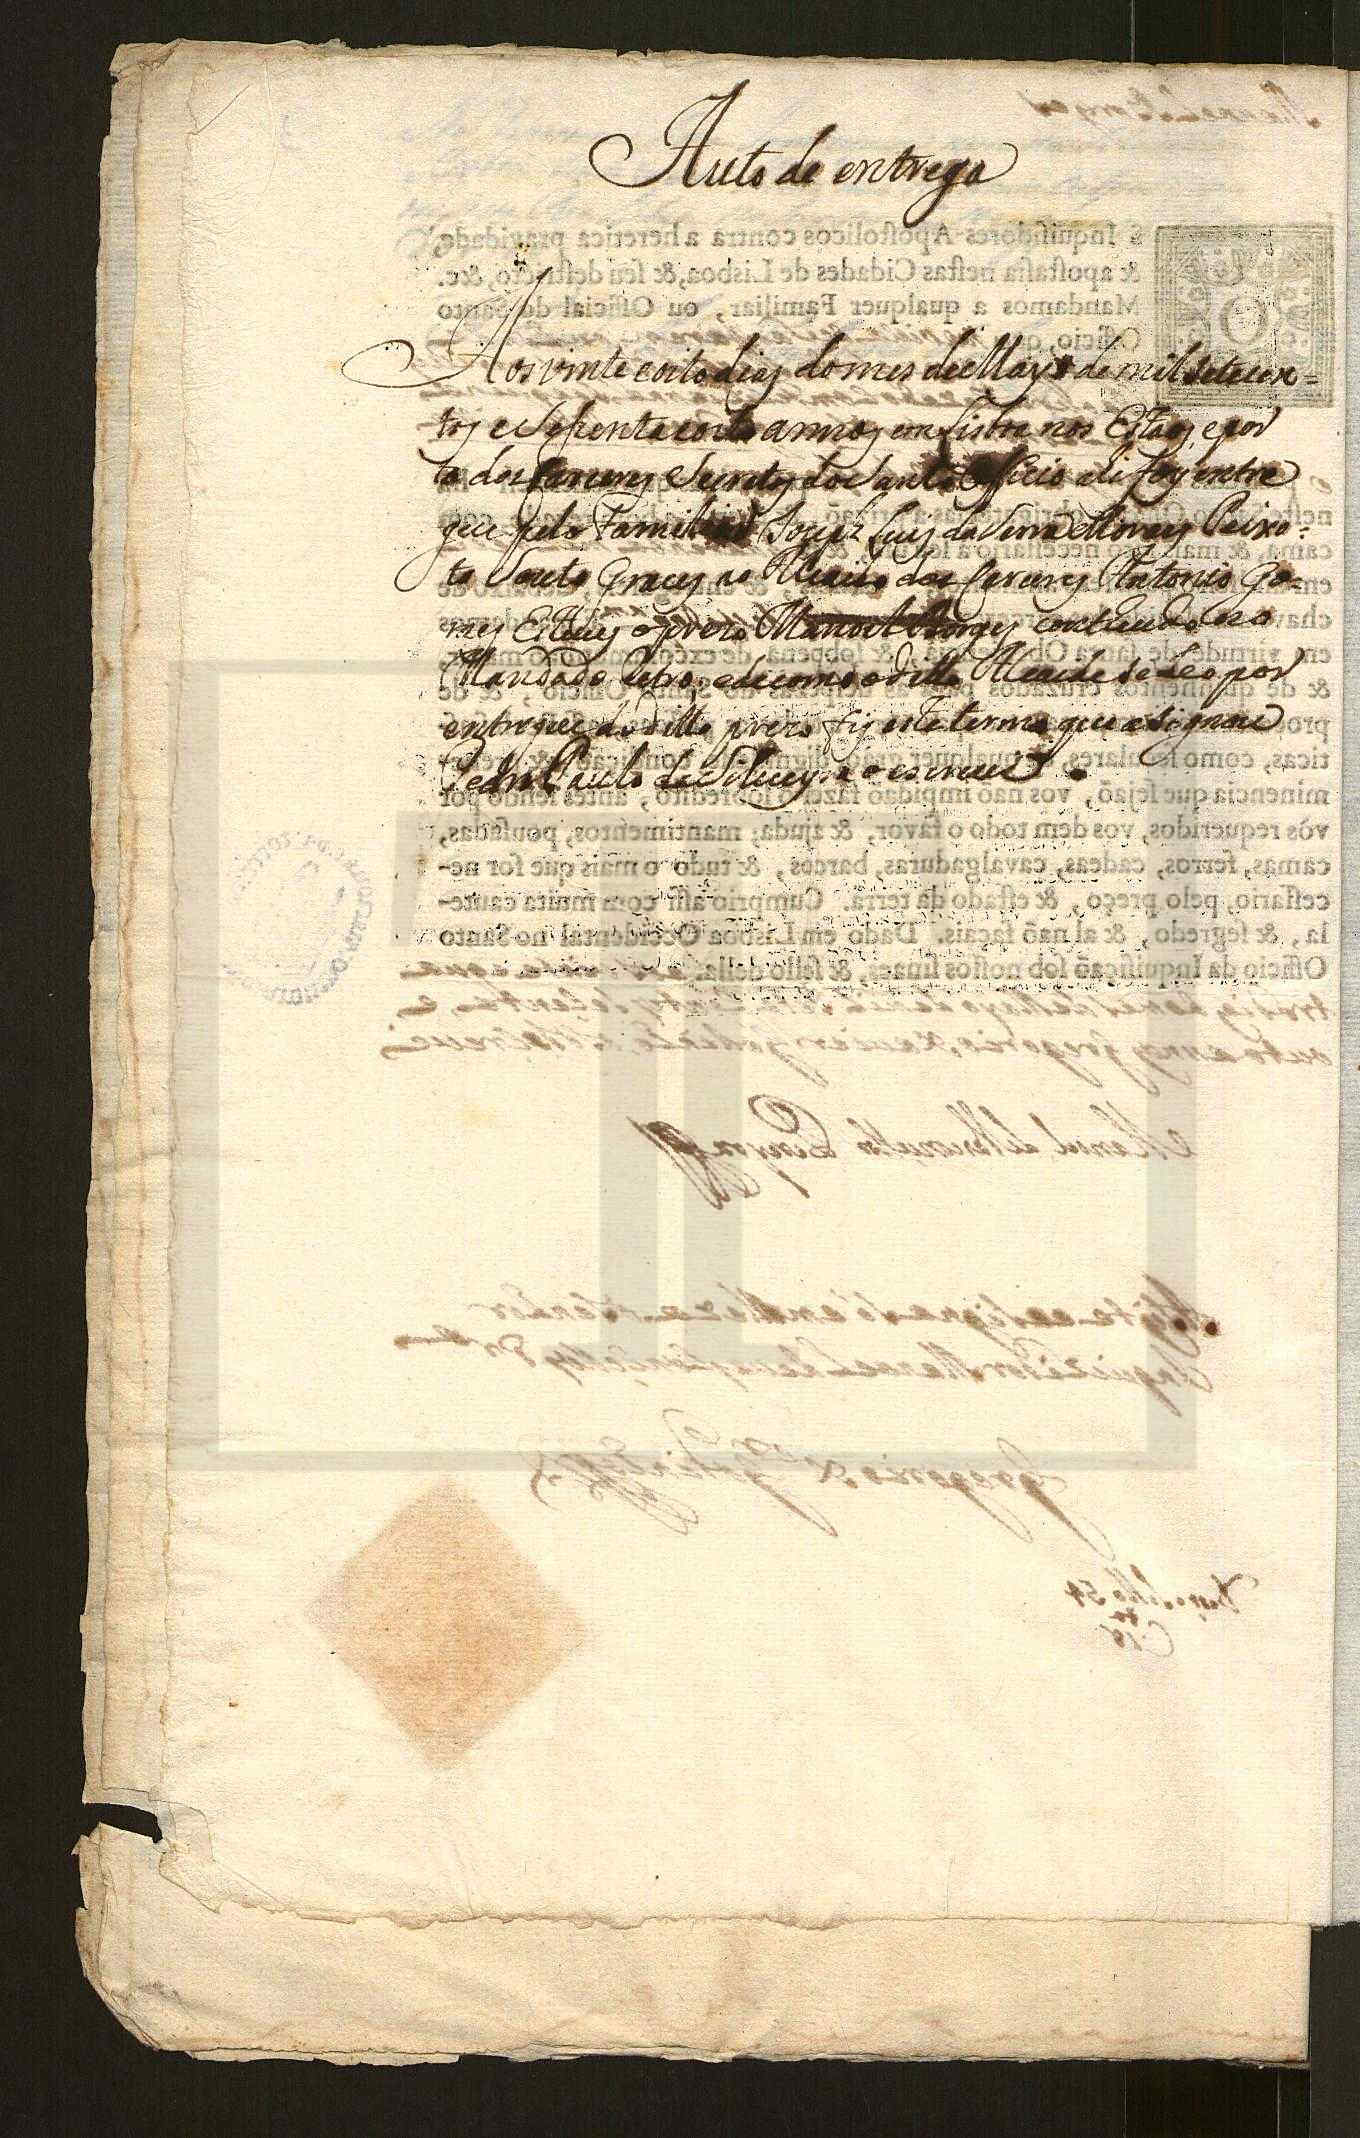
Auto de entrega
Aos vinte e oito dias do mes de Mayo de mil setecen
tos e sessenta e oito annos em Lisboa nos Estaos, e por
ta dos Carceres Secretos do Santo Officio ahi foy entre
gue pelo Famil_ Jozeph Luis da Serra Moraes Peixo
to Souto Graces ao Alcaide dos Carceres Antonio Go
mes Esteues o prezo Manoel Borges contheudo no
Mandado Retro, e de como o ditto Alcaide se deo por
entregue do ditto prezo fis este termo que asignou
Pedro Paulo de Silueyra o escreui.
